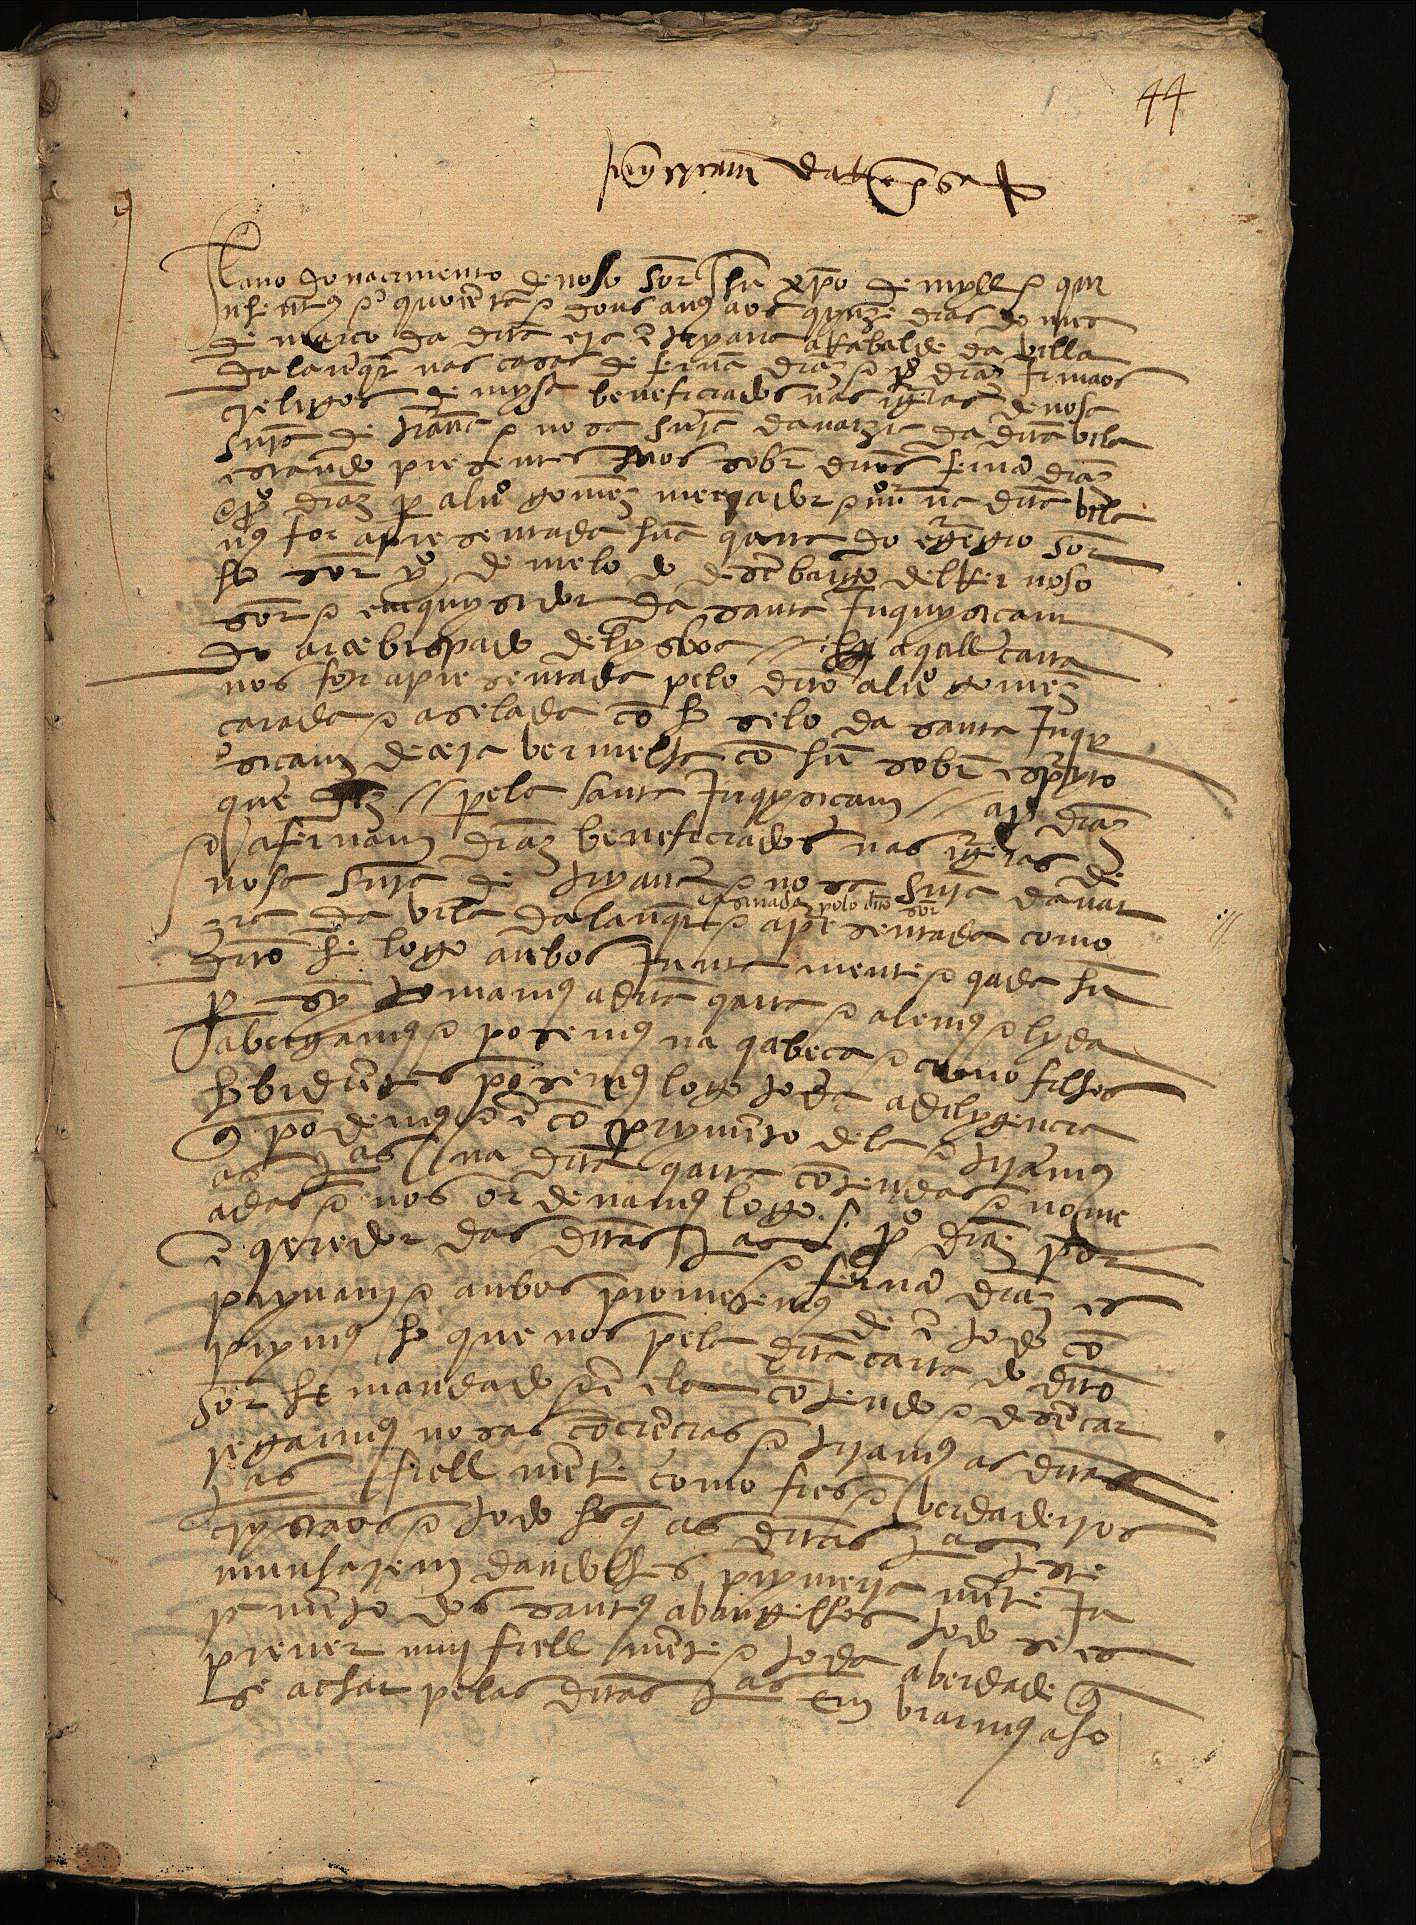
44
Jnq̄ryçam da Re p̄sa
Anno do nacimento de noso S̄or Jhū xp̄o de myll e qui
nhentꝯ e quorēta e dous anꝯ aos qynze dias do mes
de março da dita era ē tryana aRabalde da villa
dalanq̄r nas casas de fernā diaz e ꝑo diaz Jrmãos
creligos de mysa beneficiados nas iḡeias de nosa
snr̄a de tiāna e nosa snr̄a da uarzia da dita vila
estando presentes hos sobr̄dit̄os fernā diaz
e ꝓo diaz ꝑ aluo gomez mercador e mor na dita vila
nꝯ foi apresentada huā qarta do eḡegio S̄or
ho s̄or yo de melo do desēbargo del Rei noso
sōr e emquysidor da santa Jnquysiçam
do arcebispado de lysboa // cꝭ a quall carta
nos foi apresentada pelo dito aluo gomez
çarada e aselada c̄o ho selo da santa Jnqy
siçam de cera vermelha c̄o hū sobr̄ esp̄yto
que diz // ꝑela santa Jnqysiçam // a ꝓo diaz
e a fernam diaz beneficiados nas iḡeias de
nosa Sn̄ra de tryana e nosa Snr̄a da uar
ea sinada polo dito sōr
zia da vila dalanq̄r e ap̄esentada como
dito he logo anbos Juntamente e qada hū
ꝑ sy tomamꝯ a dita qarta e a lemꝯ e lyda
a beigamꝯ e posemꝯ na qabeça e como filhos
hobidiētes posemꝯ logo toda a dilygencia
q̄ podemꝯ e ē cōprymēto dela e tiramꝯ
as tas na dita qarta cōteudas e nome
adas e nos ordenamꝯ logo .s. ꝓo diaz por
ēqeredor das ditas tas e fernā diaz es
pryuam e anbos prometemꝯ de ē todo c̄o
prymꝯ ho que nos pela dita carta do dito
S̄or he mandado e ē ela cōteudo e desēcar
regamꝯ nosas cōciēcias e tiramꝯ as ditas
tas fiellmēte como fies e verdadeiros
crystaõs e todo ho q̄ as ditas tas teste
munharem dandolhes prymeiramēte Ju
ramēto dos santꝯ avangelhos todo se es
preuer muj fiellmēte e toda a verdade q̄
se achar pelas ditas tas Emviarmꝯ aho
